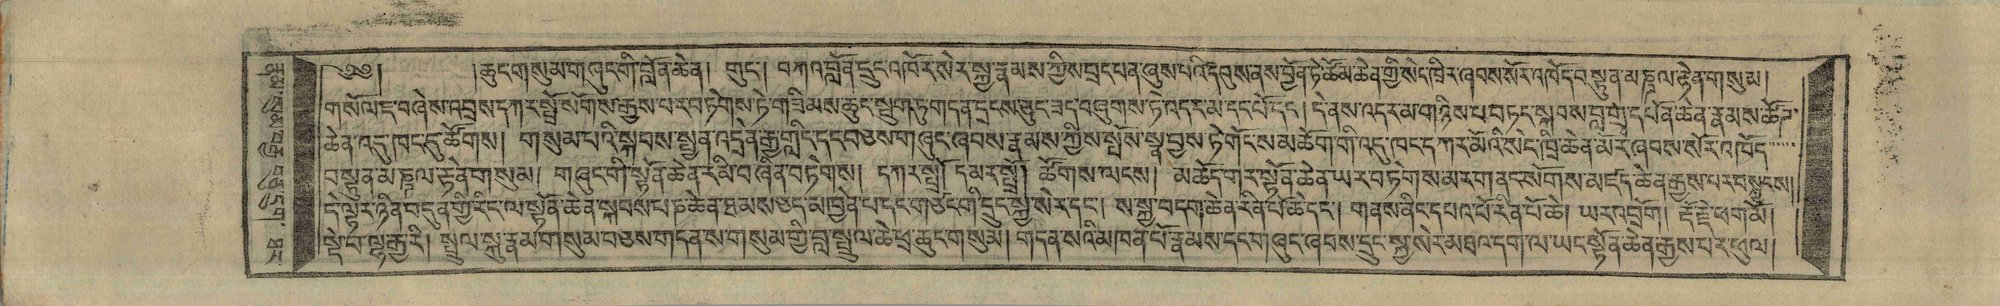༄༅། །ཆུང་གསུམ་གཞུང་གི་བློན་ཆེན། གུང་། བཀའ་བློན་དྲུང་འཁོར་སེར་སྐྱ་རྣམས་ཀྱིས་བྲང་པན་ཞུས་པའི་དབུས་ནས་བྱོན་ཏེ་ཚོམ་ཆེན་གྱི་སེང་ཁྲིར་ཞབས་སོར་འཁོད་བསྟུན་མཎྜལ་རྟེན་གསུམ།
གསོལ་ཇ་བཞེས་འབྲས་དཀར་སྤྲོ་སོགས་རྒྱས་པར་བཏེགས་ཏེ་གཟིམས་ཆུང་སྦུག་ཏུ་གདན་དྲངས་ཅུང་ཟད་བཞུགས་ཏེ་འདར་མ་དང་པོ་དང་། དེ་ནས་འདར་མ་གཉིས་པ་བཏང་སྐབས་བླ་གྲྭ་དཔོན་ཆེན་རྣམས་ཚོགས་
ཆེན་འདུ་ཁང་དུ་ཚོགས། གསུམ་པའི་སྐབས་སྤྱན་འདྲེན་རྒྱ་གླིང་དང་བཅས་གཞུང་ཞབས་རྣམས་ཀྱིས་སྤོས་སྣ་བྱས་ཏེ་གོང་ས་མཆོག་གི་འདུ་ཁང་དཀར་མོའི་སེང་ཁྲི་ཆེན་མོར་ཞབས་སོར་འཁོད་
བསྟུན་མཎྜལ་རྟེན་གསུམ། གཞུང་གི་སྟོན་ཆེན་རིམ་བཞིན་བཏེགས། དཀར་སྤྲོ། དམར་སྤྲོ། ཚོགས་ལངས། མཆོད་གར་སྟོན་ཆེན་ཡར་བཏེགས་མར་གནང་སོགས་མཛད་ཆེན་རྒྱས་པར་བསྐྱངས།
དེ་ལྟར་ཉིན་བདུན་གྱི་རིང་ལ་སྟོན་ཆེན་སྐབས་པཎ་ཆེན་ཐམས་ཅད་མཁྱེན་པ་དང་གཙང་གི་དྲུང་སྐྱ་སེར་དང་། ས་སྐྱ་བདག་ཆེན་རིན་པོ་ཆེ་དང་། གནས་ནིང་དཔའ་པོ་རིན་པོ་ཆེ། ཡར་འབྲོག །རྡོ་རྗེ་ཕག་མོ།
སྡེ་བ་ལྷ་རྒྱ་རི། སྤྲུལ་སྐུ་རྣམ་གསུམ་བཅས་གདན་ས་གསུམ་གྱི་བླ་སྤྲུལ་ཆེ་ཕྲ་ཆུང་གསུམ། གདན་སའི་མཁན་པོ་རྣམས་དང་གཞུང་ཞབས་དྲུང་སྐྱ་སེར་མཐའ་དག་ལ་ཡང་སྟོན་ཆེན་རྒྱས་པར་ཕུལ།